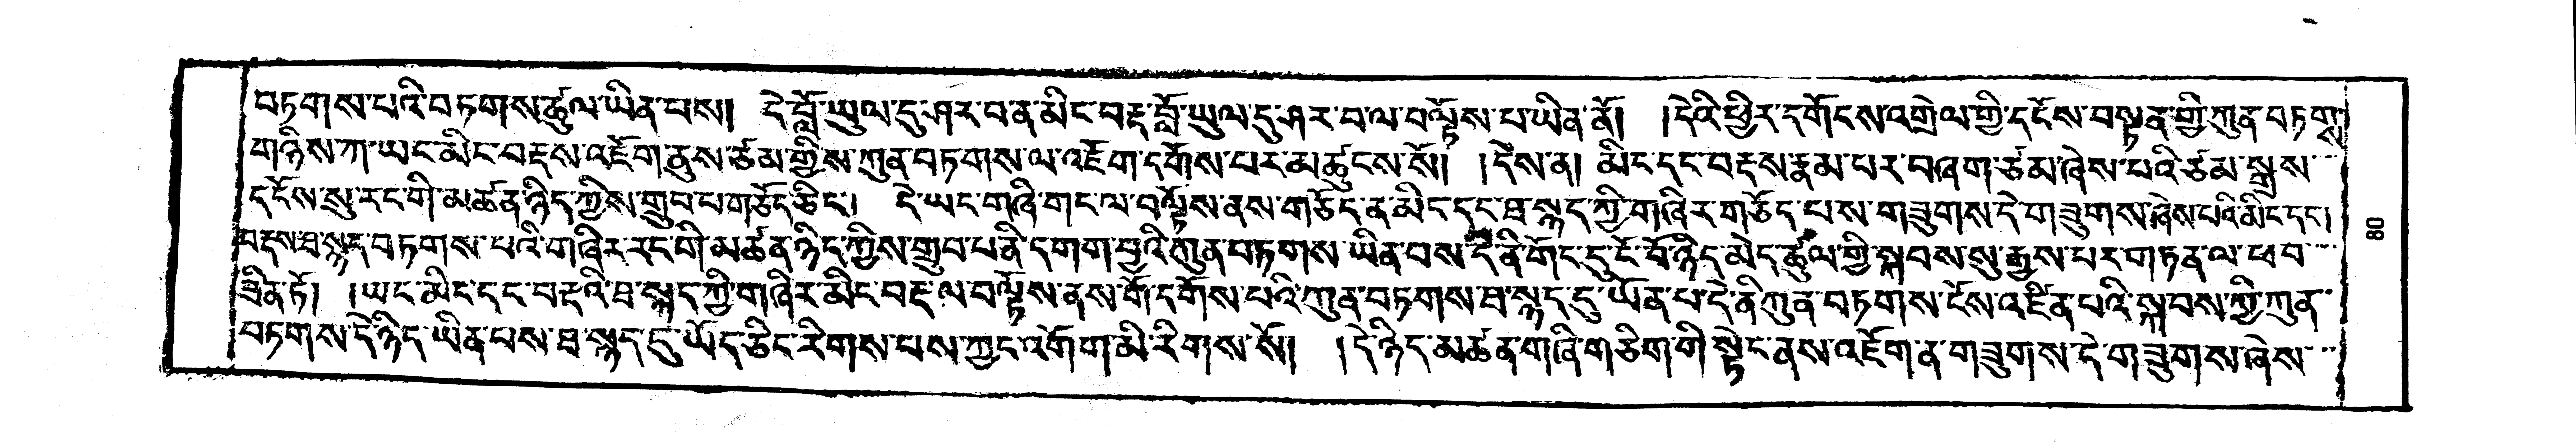བཏགས་པའི་བཏགས་ཚུལ་ཡིན་པས། དེ་བློ་ཡུལ་དུ་ཤར་བ་ན་མིང་བརྡ་བློ་ཡུལ་དུ་ཤར་བ་ལ་བལྟོས་པ་ཡིན་ནོ། །དེའི་ཕྱིར་དགོངས་འགྲེལ་གྱི་དངོས་བསྟན་གྱི་ཀུན་བཏགས་
གཉིས་ཀ་ཡང་མིང་བརྡས་འཇོག་ནུས་ཙམ་གྱིས་ཀུན་བཏགས་ལ་འཇོག་དགོས་པར་མཚུངས་སོ། །དེས་ན། མིང་དང་བརྡས་རྣམ་པར་བཞག་ཙམ་ཞེས་པའི་ཙམ་སྒྲས་
དངོས་སུ་རང་གི་མཚན་ཉིད་ཀྱིས་གྲུབ་པ་གཅོད་ཅིང་། དེ་ཡང་གཞི་གང་ལ་བལྟོས་ནས་གཅོད་ན་མིང་དང་ཐ་སྙད་ཀྱི་གཞིར་གཅོད་པས་གཟུགས་དེ་གཟུགས་ཞེས་པའི་མིང་དང་།
བརྡས་ཐ་སྙད་བཏགས་པའི་གཞིར་རང་གི་མཚན་ཉིད་ཀྱིས་གྲུབ་པ་ནི་དགག་བྱའི་ཀུན་བཏགས་ཡིན་པས་དེ་ནི་གོང་དུ་ངོ་བོ་ཉིད་མེད་ཚུལ་གྱི་སྐབས་སུ་རྒྱས་པར་གཏན་ལ་ཕབ་
ཟིན་ཏོ། །ཡང་མིང་དང་བརྡའི་ཐ་སྙད་ཀྱི་གཞིར་མིང་བརྡ་ལ་བལྟོས་ནས་གོ་དགོས་པའི་ཀུན་བཏགས་ཐ་སྙད་དུ་ཡོན་པ་དེ་ནི་ཀུན་བཏགས་ངོས་འཛིན་པའི་སྐབས་ཀྱི་ཀུན་
བཏགས་དེ་ཉིད་ཡིན་པས་ཐ་སྙད་དུ་ཡོད་ཅིང་རིགས་པས་ཀྱང་འགོག་མི་རིགས་སོ། །དེ་ཉིད་མཚན་གཞི་གཅིག་གི་སྟེང་ནས་འཇོག་ན་གཟུགས་དེ་གཟུགས་ཞེས་